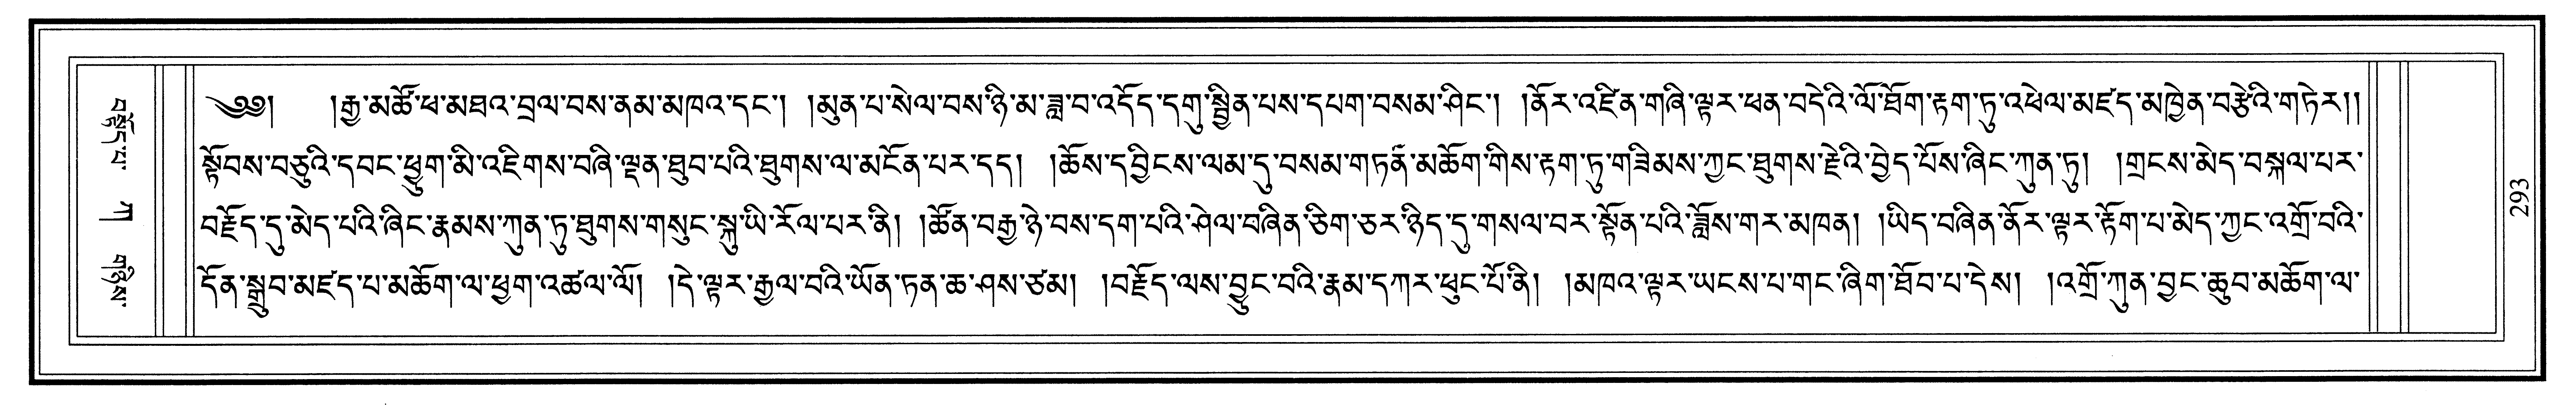༄༅། །རྒྱ་མཚོ་ཕ་མཐའ་བྲལ་བས་ནམ་མཁའ་དང་། །མུན་པ་སེལ་བས་ཉི་མ་ཟླ་བ་འདོད་དགུ་སྦྱིན་པས་དཔག་བསམ་ཤིང་། །ནོར་འཛིན་གཞི་ལྟར་ཕན་བདེའི་ལོ་ཐོག་རྟག་ཏུ་འཕེལ་མཛད་མཁྱེན་བརྩེའི་གཏེར།།
སྟོབས་བཅུའི་དབང་ཕྱུག་མི་འཇིགས་བཞི་ལྡན་ཐུབ་པའི་ཐུགས་ལ་མངོན་པར་དད། །ཆོས་དབྱིངས་ལམ་དུ་བསམ་གཏན་མཆོག་གིས་རྟག་ཏུ་གཟིམས་ཀྱང་ཐུགས་རྗེའི་བྱེད་པོས་ཞིང་ཀུན་ཏུ། །གྲངས་མེད་བསྐལ་པར་
བརྗོད་དུ་མེད་པའི་ཞིང་རྣམས་ཀུན་ཏུ་ཐུགས་གསུང་སྐུ་ཡི་རོལ་པར་ནི། །ཚོན་བརྒྱ་ཉེ་བས་དག་པའི་ཤེལ་བཞིན་ཅིག་ཅར་ཉིད་དུ་གསལ་བར་སྟོན་པའི་ཟློས་གར་མཁན། །ཡིད་བཞིན་ནོར་ལྟར་རྟོག་པ་མེད་ཀྱང་འགྲོ་བའི་
དོན་སྒྲུབ་མཛད་པ་མཆོག་ལ་ཕྱག་འཚལ་ལོ། །དེ་ལྟར་རྒྱལ་བའི་ཡོན་ཏན་ཆ་ཤས་ཙམ། །བརྗོད་ལས་བྱུང་བའི་རྣམ་དཀར་ཕུང་པོ་ནི། །མཁའ་ལྟར་ཡངས་པ་གང་ཞིག་ཐོབ་པ་དེས། །འགྲོ་ཀུན་བྱང་ཆུབ་མཆོག་ལ་